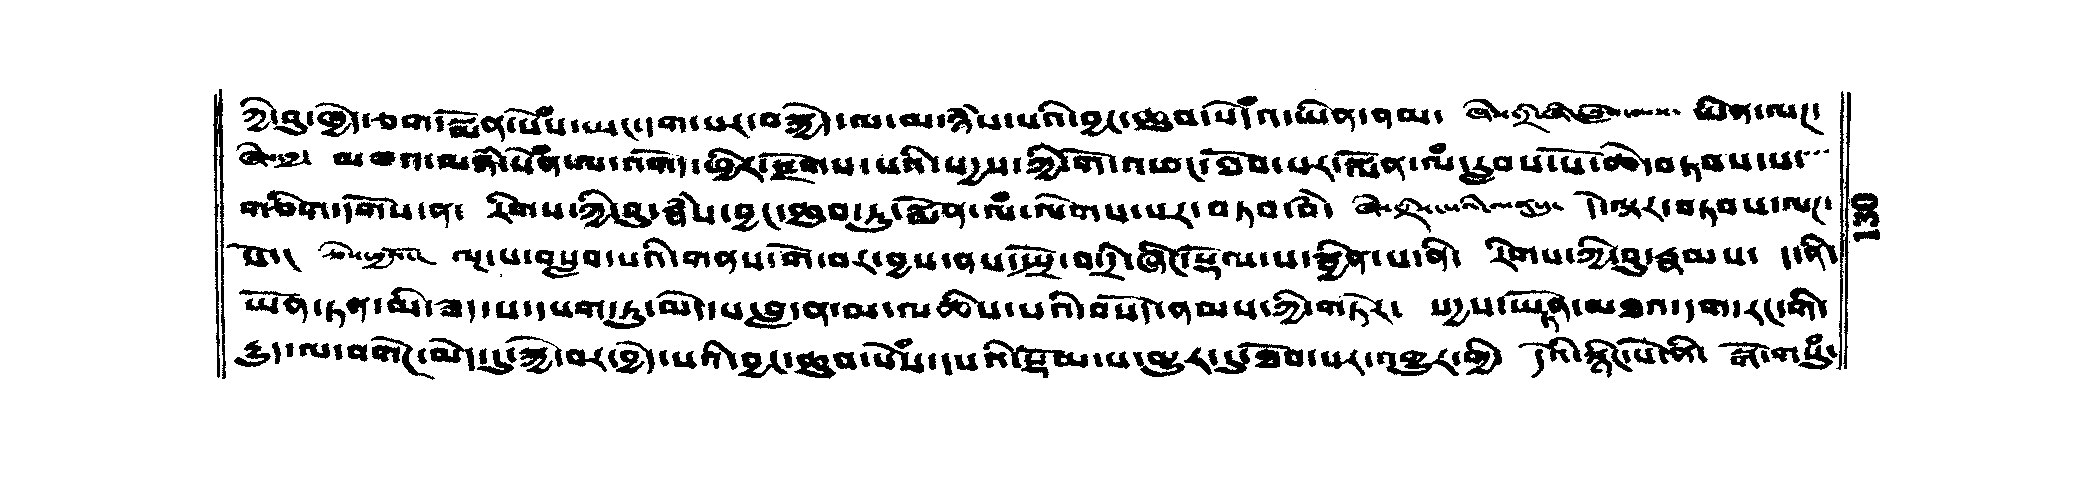ཀྱི་བུ་ཁྱེད་ཅག་སྨོན་སེམས་ཡང་དག་པར་བསྐྱེད་ལ་མ་ཉམས་པའི་བྱང་ཆུབ་སེམས་དཔའ་ཡིན་ནམ། ཞེས་དྲི་ཞིང་སླུབ་མས། ཡིན་ལགས། 
ཞེས་བྱ། མཁའ་མཉམ་སེམས་ཅན་ལ་འགོད་ཕྱིར་རྫོགས་པའི་སངས་རྒྱས་ཀྱི་གོ་འཕང་ཐོབ་པར་སྨོན་ལམ་རླབས་པོ་ཆེ་བཏབས་པ་
གཅིག་དགོས་ན། རིགས་ཀྱི་བུ་རྣམས་བྱང་ཆུབ་ཏུ་སྨོན་ལམ་ལེགས་པར་བཏབ་བམ། ཞེས་དྲེས་པའི་ལན་དུ། དེ་ལྟར་བཏབས་ལགས་
སོ། ཅེས་བྱའོ། ལྔ་པ་བསླབ་པའི་གནས་གོ་བར་བྱས་ནས་སྤོར་བ་དྲི་ཞིང་སྡོམ་པ་སྦྱིན་པ་ནི། རིགས་ཀྱི་བུ་རྣམས། ད་ནི་
ཡོན་ཏན་མི་ཟད་པ་དཔག་ཏུ་མེད་པ་བླ་ན་མ་མཆིས་པའི་བསོད་ནམས་ཀྱི་གཏེར། སངས་རྒྱས་ཡོན་ཏན་མཐའ་དག་རང་གི་
རྒྱུད་ལ་བགེགས་མེད་དུ་སྐྱེ་བར་བྱེད་པའི་བྱང་ཆུབ་སེམས་དཔའི་སྡོམ་པ་མྱུར་དུ་ཐོབ་པར་འགྱུར་གྱི།དེའི་སྙིང་པོ་ནི། སྒོ་གསུམ་